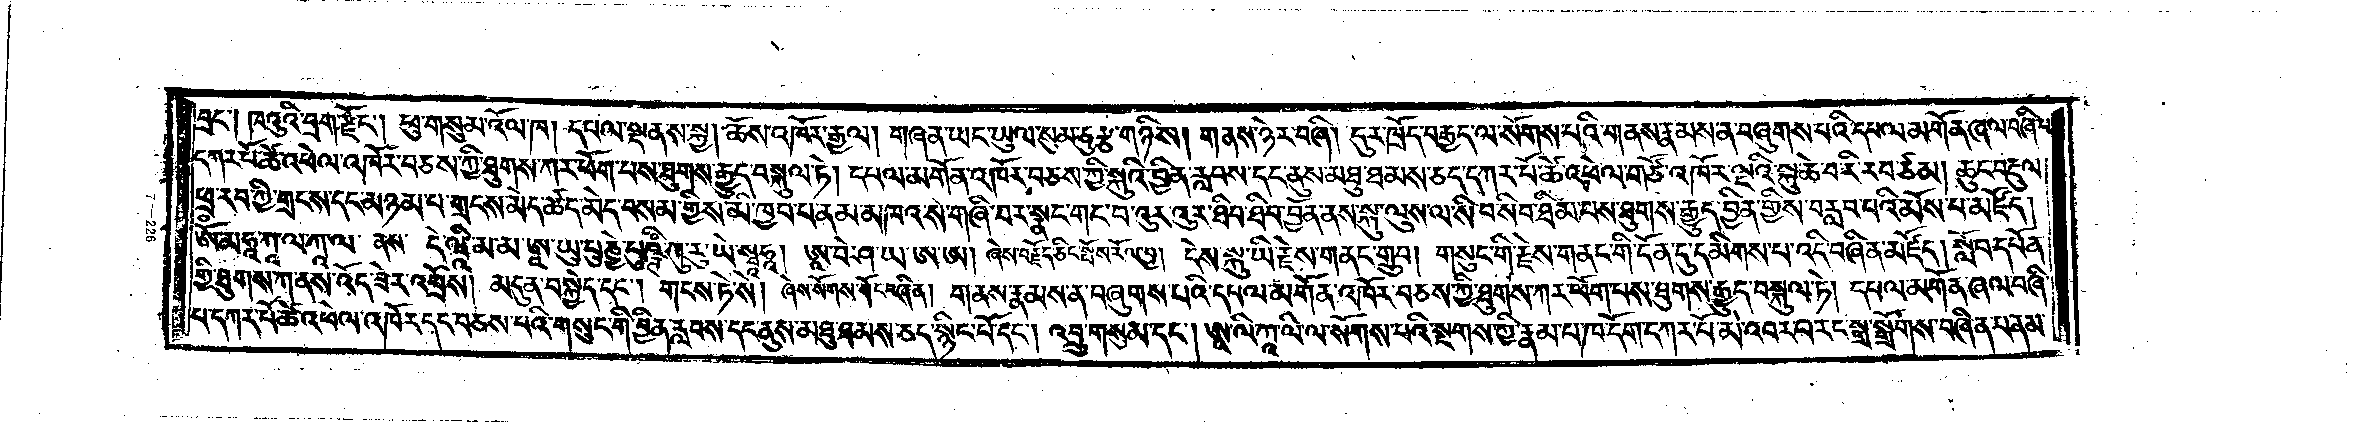བྲང་། ཁའུའི་བྲག་རྫོང་། ཕུ་གསུམ་འོལ་ཁ། དཔལ་ལྡན་ས་སྐྱ། ཆོས་འཁོར་རྒྱལ། གཞན་ཡང་ཡུལ་སུམ་ཅུ་རྩ་གཉིས། གནས་ཉེར་བཞི། དུར་ཁྲོད་བརྒྱད་ལ་སོགས་པའི་གནས་རྣམས་ན་བཞུགས་པའི་དཔལ་མགོན་ཞལ་བཞི་པ་
དཀར་པོ་ཚེ་འཕེལ་འཁོར་བཅས་ཀྱི་ཐུགས་ཀར་ཕོག་པས་ཐུགས་རྒྱུད་བསྐུལ་ཏེ། དཔལ་མགོན་འཁོར་བཅས་ཀྱི་སྐུའི་བྱིན་རླབས་དང་ནུས་མཐུ་ཐམས་ཅད་དཀར་པོ་ཚེ་འཕེལ་གཙོ་འཁོར་ལྔའི་སྐུ་ཆེ་བ་རི་རབ་ཙམ། ཆུང་བ་རྡུལ་
ཕྲ་རབ་ཀྱི་གྲངས་དང་མཉམ་པ་གྲངས་མེད་ཚད་མེད་བསམ་གྱིས་མི་ཁྱབ་པ་ནམ་མཁའ་ས་གཞི་བར་སྣང་གང་བ་འུར་འུར་ཐིབ་ཐིབ་བྱོན་ནས་སྐུ་ལུས་ལ་སིབ་སིབ་ཐིམ་ལས་ཐུགས་རྒྱུད་བྱིན་གྱིས་བརླབ་པའི་མོས་པ་མཛོད།
ཨོཾ་མཧཱ་ཀཱ་ལ་ཀཱ་ལ་ནས་དེ་ཝཱི་མ་མ་ཨཱ་ཡུ་པུཎྱེ་པུཥྚིཾ་ཀུ་རུ་ཡེ་སྭཱཧཱ། ཨཱ་བེ་ཤ་ཡ་ཨ་ཨ། ཞེས་བརྗོད་ཅིང་སྤོས་རོལ་བྱ།  དེས་སྐུ་ཡི་རྗེས་གནང་གྲུབ། གསུང་གི་རྗེས་གནང་གི་དོན་དུ་དམིགས་པ་འདི་བཞིན་མཛོད། སློབ་དཔོན་
གྱི་ཐུགས་ཀ་ནས་འོད་ཟེར་འཕྲོས། མདུན་བསྐྱེད་དང་། གངས་ཏེ་སེ། ཞེས་སོགས་གོང་བཞིན།  གནས་རྣམས་ན་བཞུགས་པའི་དཔལ་མགོན་འཁོར་བཅས་ཀྱི་ཐུགས་ཀར་ཕོག་པས་ཐུགས་རྒྱུད་བསྐུལ་ཏེ། དཔལ་མགོན་ཞལ་བཞི་
པ་དཀར་པོ་ཚེ་འཕེལ་འཁོར་དང་བཅས་པའི་གསུང་གི་བྱིན་རླབས་དང་ནུས་མཐུ་ཐམས་ཅད་སྙིང་པོ་དང་། འབྲུ་གསུམ་དང་། ཨཱ་ལི་ཀཱ་ལི་ལ་སོགས་པའི་སྔགས་ཀྱི་རྣམ་པ་ཁ་དོག་དཀར་པོ་མེ་འབར་བ་རང་སྒྲ་སྒྲོགས་བཞིན་བ་རྣམ་